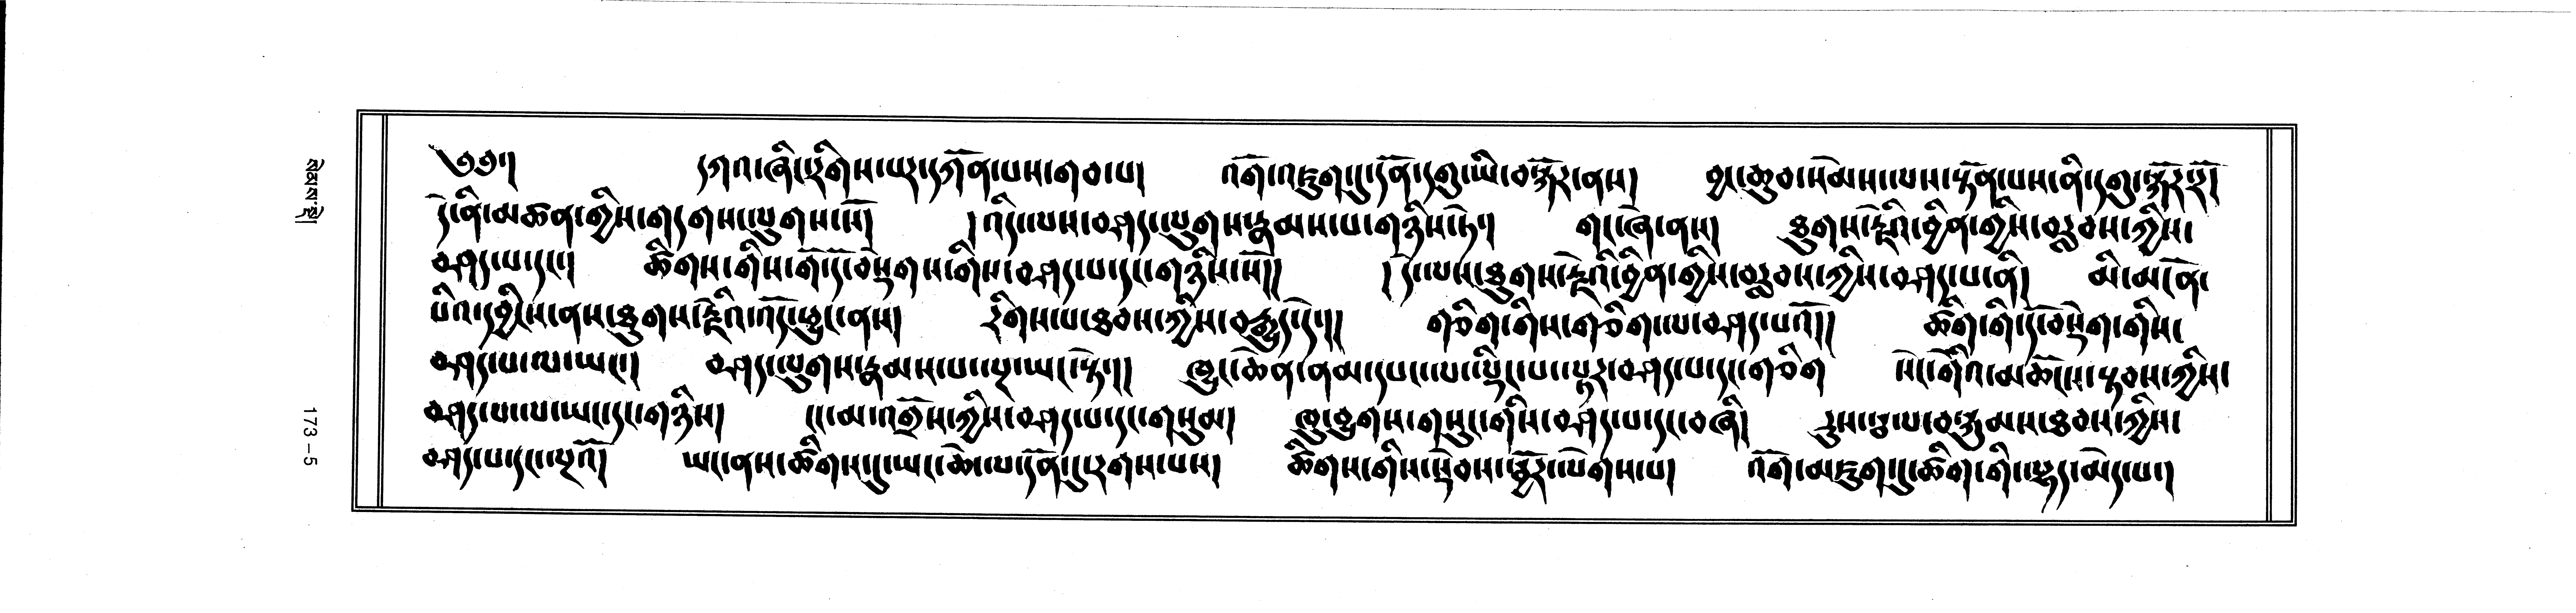དཀའ་ཞིང་རིག་པར་དཀོན་པས་གབ་པ། འགོ་འཇུག་ཏུ་དོན་དགུ་ཡི་བསྐོར་ནས་བྱང་ཆུབ་སེམས་ལས་སྟོན་པས་ནི་དགུ་སྐོར་རོ། 
དེ་ནི་མཚན་གྱི་གདགས་ལུགས་སོ། །འདི་ལས་བཤད་ལུགས་རྣམ་པ་གཉིས་ཏེ། གང་ཞེ་ན། ཐུགས་རྗེའི་བྱིན་གྱིས་བརླབས་ཀྱིས་
བཤད་པ་དང་། ཚིག་གིས་གོ་དོ་བསྡེགས་གིས་བཤད་པ་དང་གཉིས་སོ། །དེ་ལས་ཐུགས་རྗེ་བྱིན་གྱིས་བརླབ་ཀྱིས་བཤད་པ་ནི། མི་མངོན་
པའི་དབྱིངས་ནས་ཐུགས་རྗེའི་འོད་ཕྱུང་ནས། རིགས་པ་ཐབས་ཀྱིས་བརྒྱུད་དེ། གཅིག་གིས་གཅིག་ལ་བཤད་པའོ། ཚིག་གིས་དོ་བསྡེག་གིས་
བཤད་པ་ལ་ཡང་། བཤད་ལུགས་རྣམ་པ་ལྔ་ཡང་སྟེ། ཁྱུང་ཆེན་ནམ་པང་ལ་ལྡིང་བ་ལྟར་བཤད་པ་དང་གཅིག སེང་གེའི་མཆོང་སྟབས་ཀྱིས་
བཤད་པ་དང་གཉིས། ངང་མོ་འགྲོས་ཀྱིས་བཤད་པ་དང་གསུམ། ཁུ་བྱུག་གསུང་གིས་བཤད་པ་དང་བཞི། རུས་སྦལ་བསྐུམས་ཐབས་ཀྱིས་
བཤད་པ་དང་ལྔའོ། ཡང་ནས་ཚིག་ཏུ་ཡང་ཆེ་ལ་དོན་དུ་ཡང་རགས་པས། ཚིགས་གི་སྡེབས་སྦྱོར་ལེགས་པ། འགོ་འཇུག་ཏུ་ཚིག་གི་ལྷད་མེད་པ།